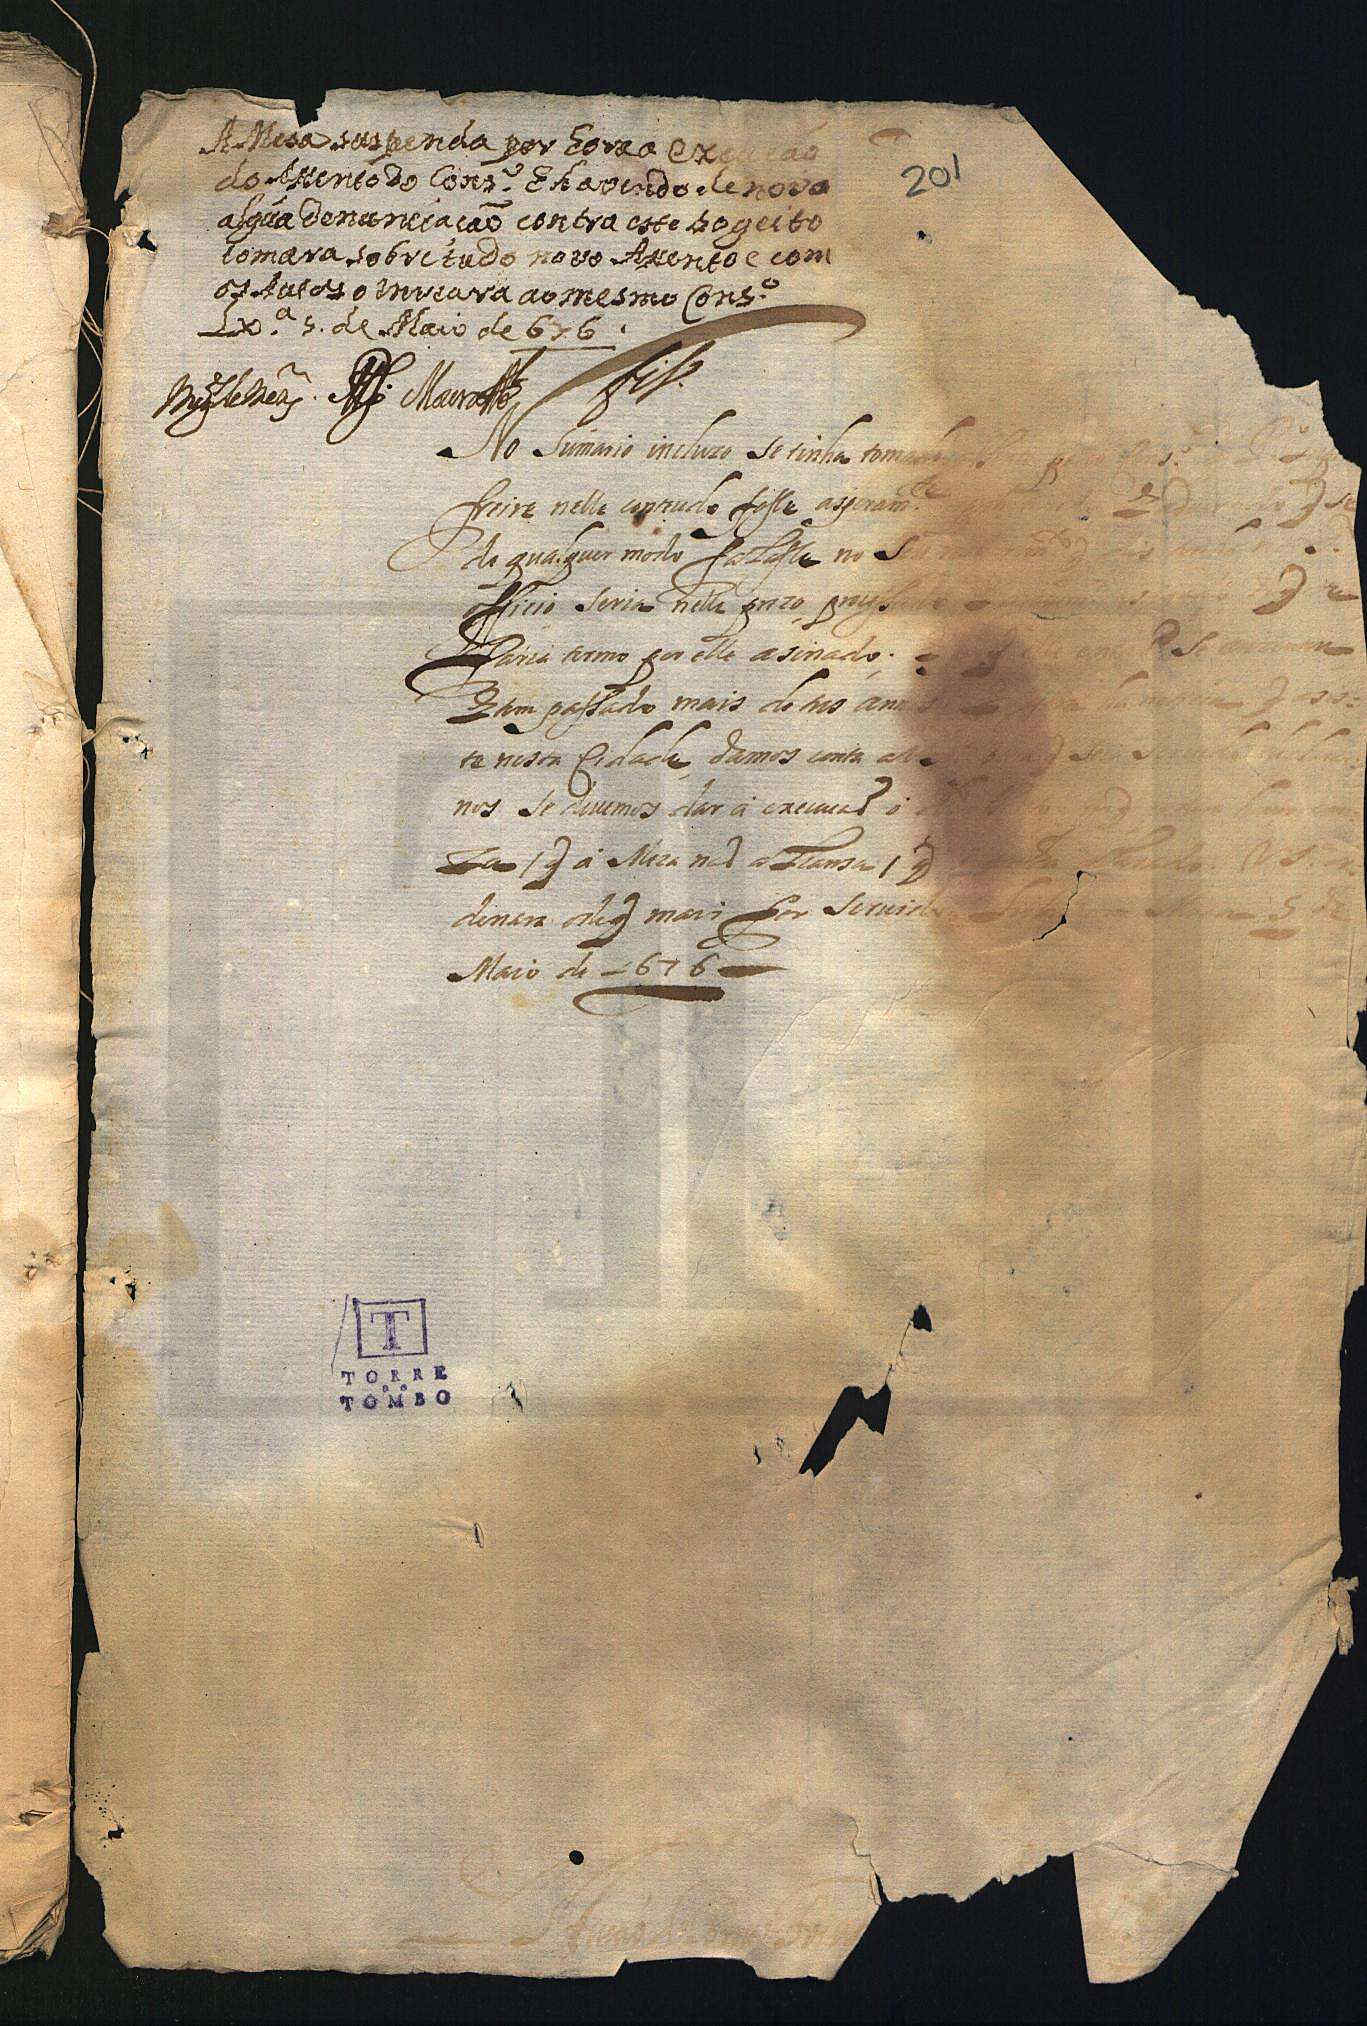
A Mesa suspenda por hora a ex_aõ
do Assento do Cons.o E havendo de novo
algūa denunciaçaõ contra este sogeito
tomara sobre tudo novo Assento e com
os Autos o inviara ao mesmo Cons.o
Lx.a 5. de Maio de 676.
Mages de Men̄s.
Moura
No Sumario incluzo se tinha tomado
freire nelle conteudo fosse asperam.te
de quaquer modo falasse no S
officio seria nelle prezo, processado
faria termo por elle asinado;
E tem passado mais de tres annos
te nesta Cidade, damos conta a
nos se deuemos dar a execuçaõ o
Za / q̄ á Meza naõ aLcansa / q̄
denara o de q̄ mais for seruido
5 de
Maio de 1676 -
